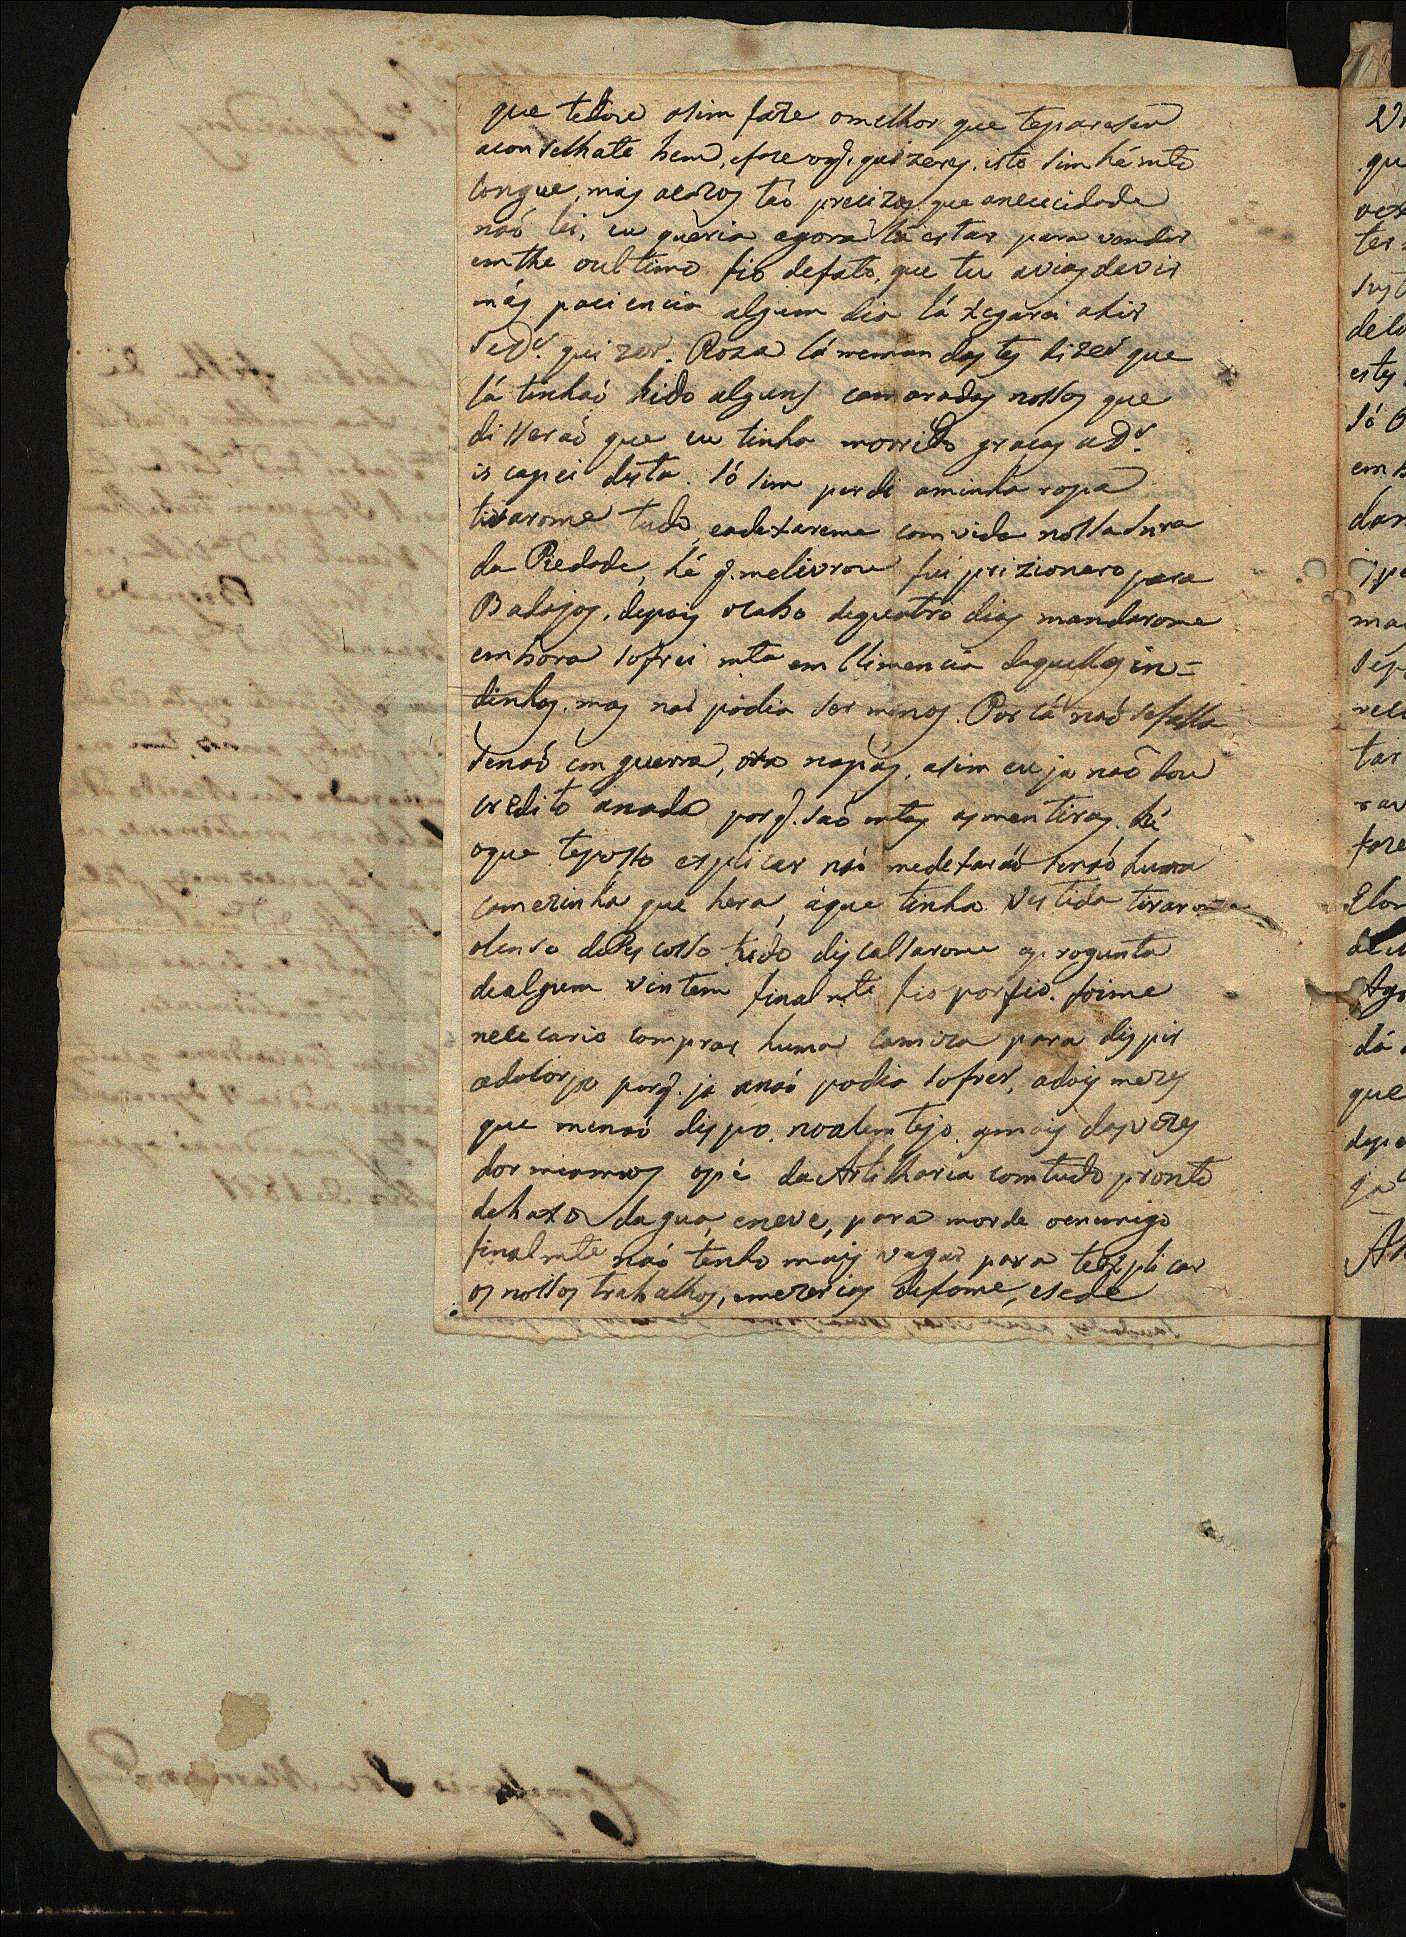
que te dou asim faze o melhor que te pareser
aconselhate bem, e faze o q̄ quizeres, isto sim hé mto
longue, mas acazos taó precizos que a nececidade
naó lei, eu queria agora lá estar para vender
em the o ultimo fio de fato, que tu avias de vir
más paciencia algum dia lá xegarei a hir
se D.s quizer. Rosa lá memandastes dizer que
lá tenhaó hido alguns camaradas nossos que
disseraó que eu tinha morrido graças a D.s
iscapei desta. Só sim perdi a minha ropa
tirarome tudo e adexareme com vida nossa Snra
da Piedade, hé q̄ me livrou fui prizionero para
Badajos, depois o cabo de quatro dias mandarome
embora sofrei mta emClimencia daquellas in
dinhos. mas não podia ser menos. Por cá naõ se falla
senaõ em guerra, ora ropás, asim eu ja naõ dou
credito a nada porq̄ saõ estas as mentiras hé
o que te posso explicar naõ me dexaraõ senaõ huma
camezinha que hera, á que tenho vestida tirar
o lenso de Pescosso tudo discalsarome a progunta
de algum vintem finalm.te fio por fio. foime
nececario comprar huma camiza para dispir
a do corpo porq̄ ja a naõ podia sofrer, a dois mezes
que me naõ dispo. no alemtejo as mais das vezes
dormimos o pé da Artilharia com tudo pronto
debaxo dagua, e neve, pora mor de o enemigo
finalmte naõ tenho mais vagar para te explicar
os nossos trabalhos, e mezerias de fome, e sede
